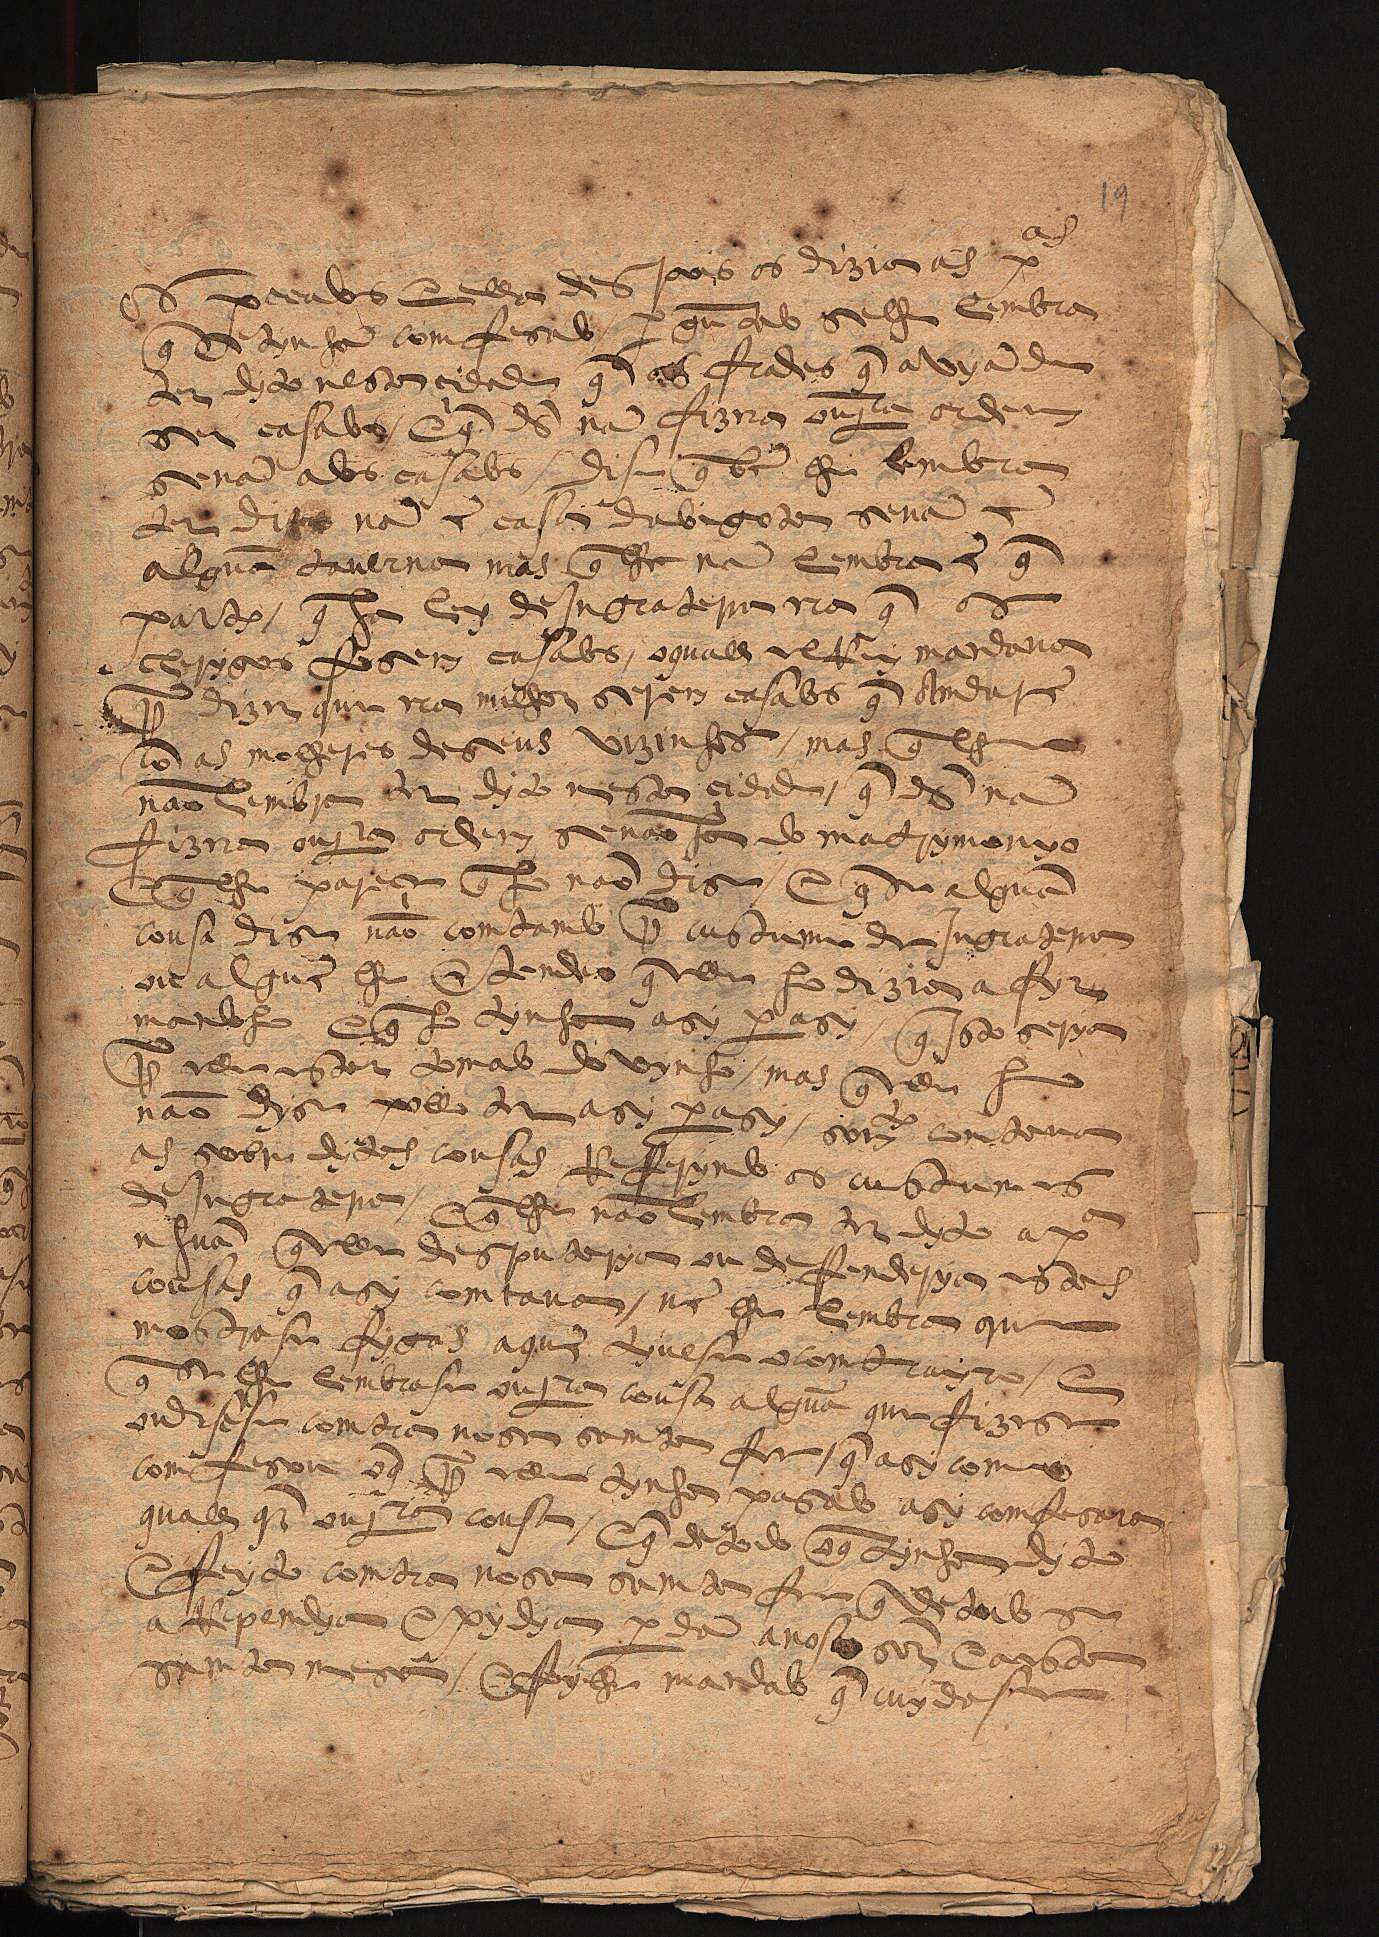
os pecados e ella despois os dizia as pas
q̄ se tynhā comfesado / ꝑḡutado se lhe lembra
ter dyto nesta cidade q̅ os frades q̅ avya̅ de
ser casados / e q̅ ds̄ nā fizera outra ordem
senā a dos casados / dise q̅ be̅ lhe lembra
ter dito na̅ e̅ casa dabigota sena̅ ē
algūa tauerna mas q̅ lhe na̅ lembra e̅ q̅
partꝭ / q̄ he ley de Jngraterra era q̅ os
clerygos fosem casados / o quall el Rey mandaua
p̄o dizer que era milhor serem casados q̄ Amdarē
cō as molheres de seus vizinhos / mas q̄ lhe
não lembra ter dyto nesta cidade / q̅ ds̄ na̅
fizera outra ordem senão ho do matrymonyo
e q̅ lhe parece q̅ ho não dise / e q̅ se algūa
cousa dise não comtamdo p̄o custume de Jngraterra
ou alguē lhe ētemdeo q̄ elle ho dizia afyr
mandoho e q̅ ho tynha asy ꝑa sy / q̅ Jsto serya
p̄o elle estar tomado do vynho / mas q̄ elle ho
não dyse pollo ter asy ꝑa sy / somꝭ comtaua
as sobredytas cousas Referyndo os custumes
de Jngraterra / e q̅ lhe não lembra ter dyto a pa
nhu̅a q̅ elle desputerya ou defenderya estas
cousas q̅ asy comtaua / ne̅ lhe lembra que
mostrase fygas a que̅ tyuese o comtrayro / e
q̄ se lhe lembrase outra cousa algūa que fizese
ou disese comtra nosa samta fee / q̅ asy como
comfesou o q̅ p̅o elle tynha pasado asy comfesara
quallq̄r outra cousa / e q̅ de todo o q̅ tynha dyto
e feyto comtra nosa samta fee q̅ de tudo se
aRepemdya e pydya ꝑda̅ a nosso sōr e a esta
samta mesa / e foy lhe mandado q̅ cuydase
